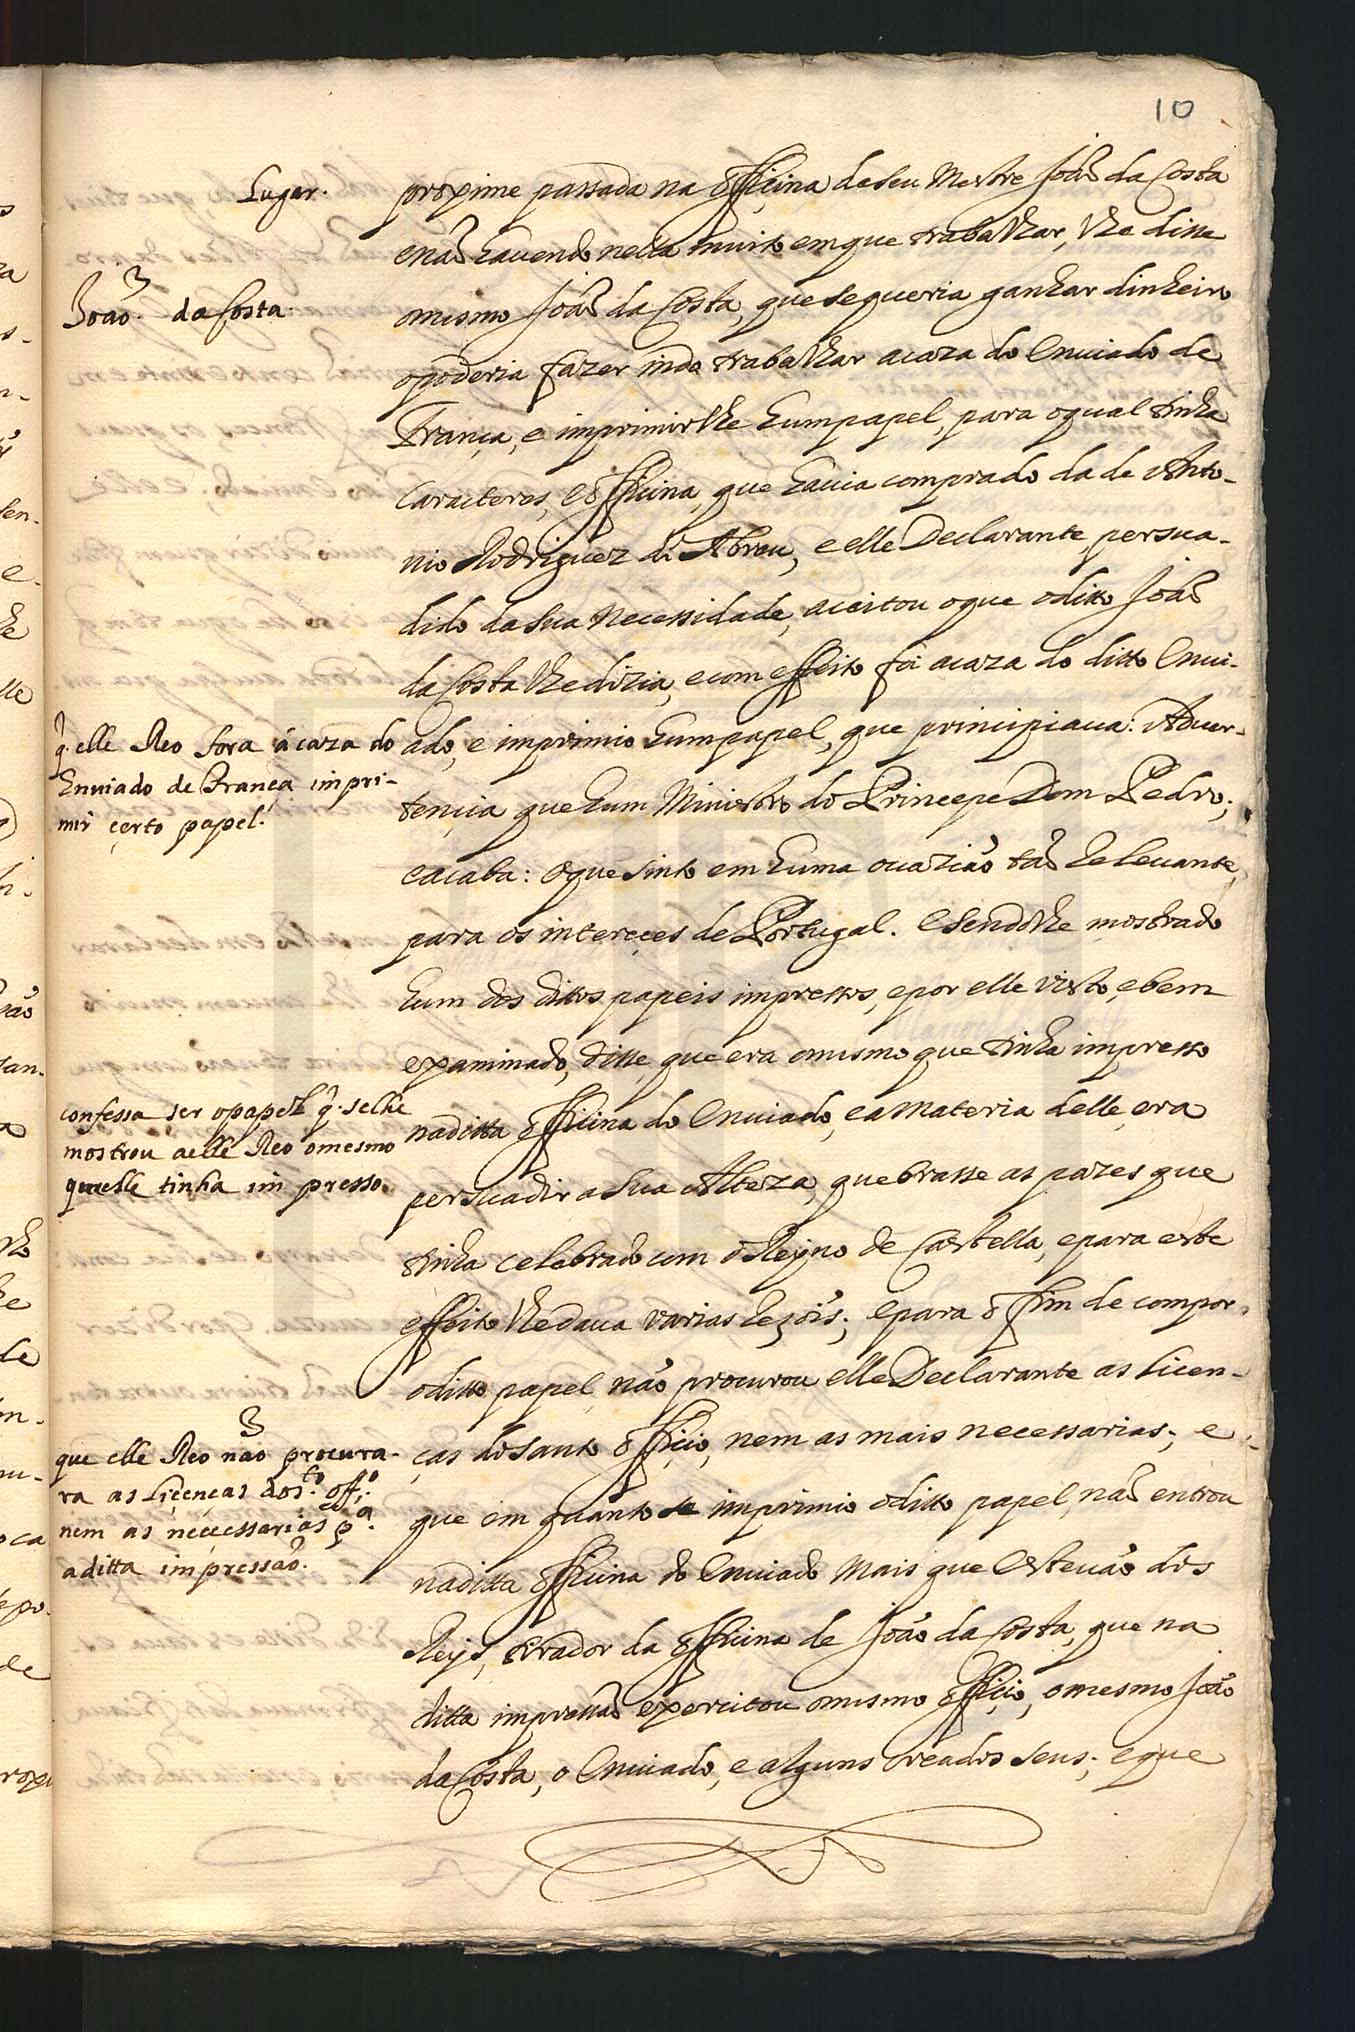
Lugar.
Joaõ. da Costa.
q̄. elle Reo fora á caza do
Enuiado de França impri
mir çerto papel.
confessa ser o papel q̄. se lhe
mostrou a elle Reo o mesmo
que elle tinha impresso
que elle Reo não procura
ra as Liçenças do s.to off.o,
nem as necçessarias pa.
a ditta impressaõ.
proxime passada na offiçina de seu mestre João da Costa
e não hauendo nada muito em que trabalhar, lhe disse
o mesmo João da Costa, que se queria ganhar dinheiro
o poderia fazer indo trabalhar a caza do Enuiado de
França, e imprimirlhe hum papel, para o qual tinha
caracteres, e officina, que hauia comprado da de Anto
nio Rodriguez de Abreu, e elle Declarante, persua
dido da sua necessidade, aceitou o que o ditto João
da Costa lhe dizia, e com effeito foi a caza do ditto Enui
ado, e imprimio hum papel, que principiaua: Aduer
tençia que hum Ministro do Princepe Dom Pedro;
e acaba: O que sinto em huma occaziaõ taõ Releuante
para os intereçes de Portugal. e sendolhe mostrado
hum dos dittos papeis impressos, e por elle visto, e bem
examinado, disse que era o mesmo que tinha impresso
na ditta officina do Enuiado, e a materia delle era
persuadir a Sua Alteza quebrasse as pazes que
tinha celebrado com o Reyno de Castella, e para este
effeito lhe daua varias Rezois̄; e para o fim de compor
o ditto papel naõ procurou elle Declarante as licen
ças do santo offiçio, nem as mais necessarias; e
que em quanto se imprimio o ditto papel naõ entrou
na ditta officina do Enuiado mais que Esteuaõ dos
Reys, tirador da officina de Joaõ da Costa, que na
ditta impressão exercitou o mesmo offiçio, o mesmo João
da Costa, o Enuiado, e alguns creados seus; e que
